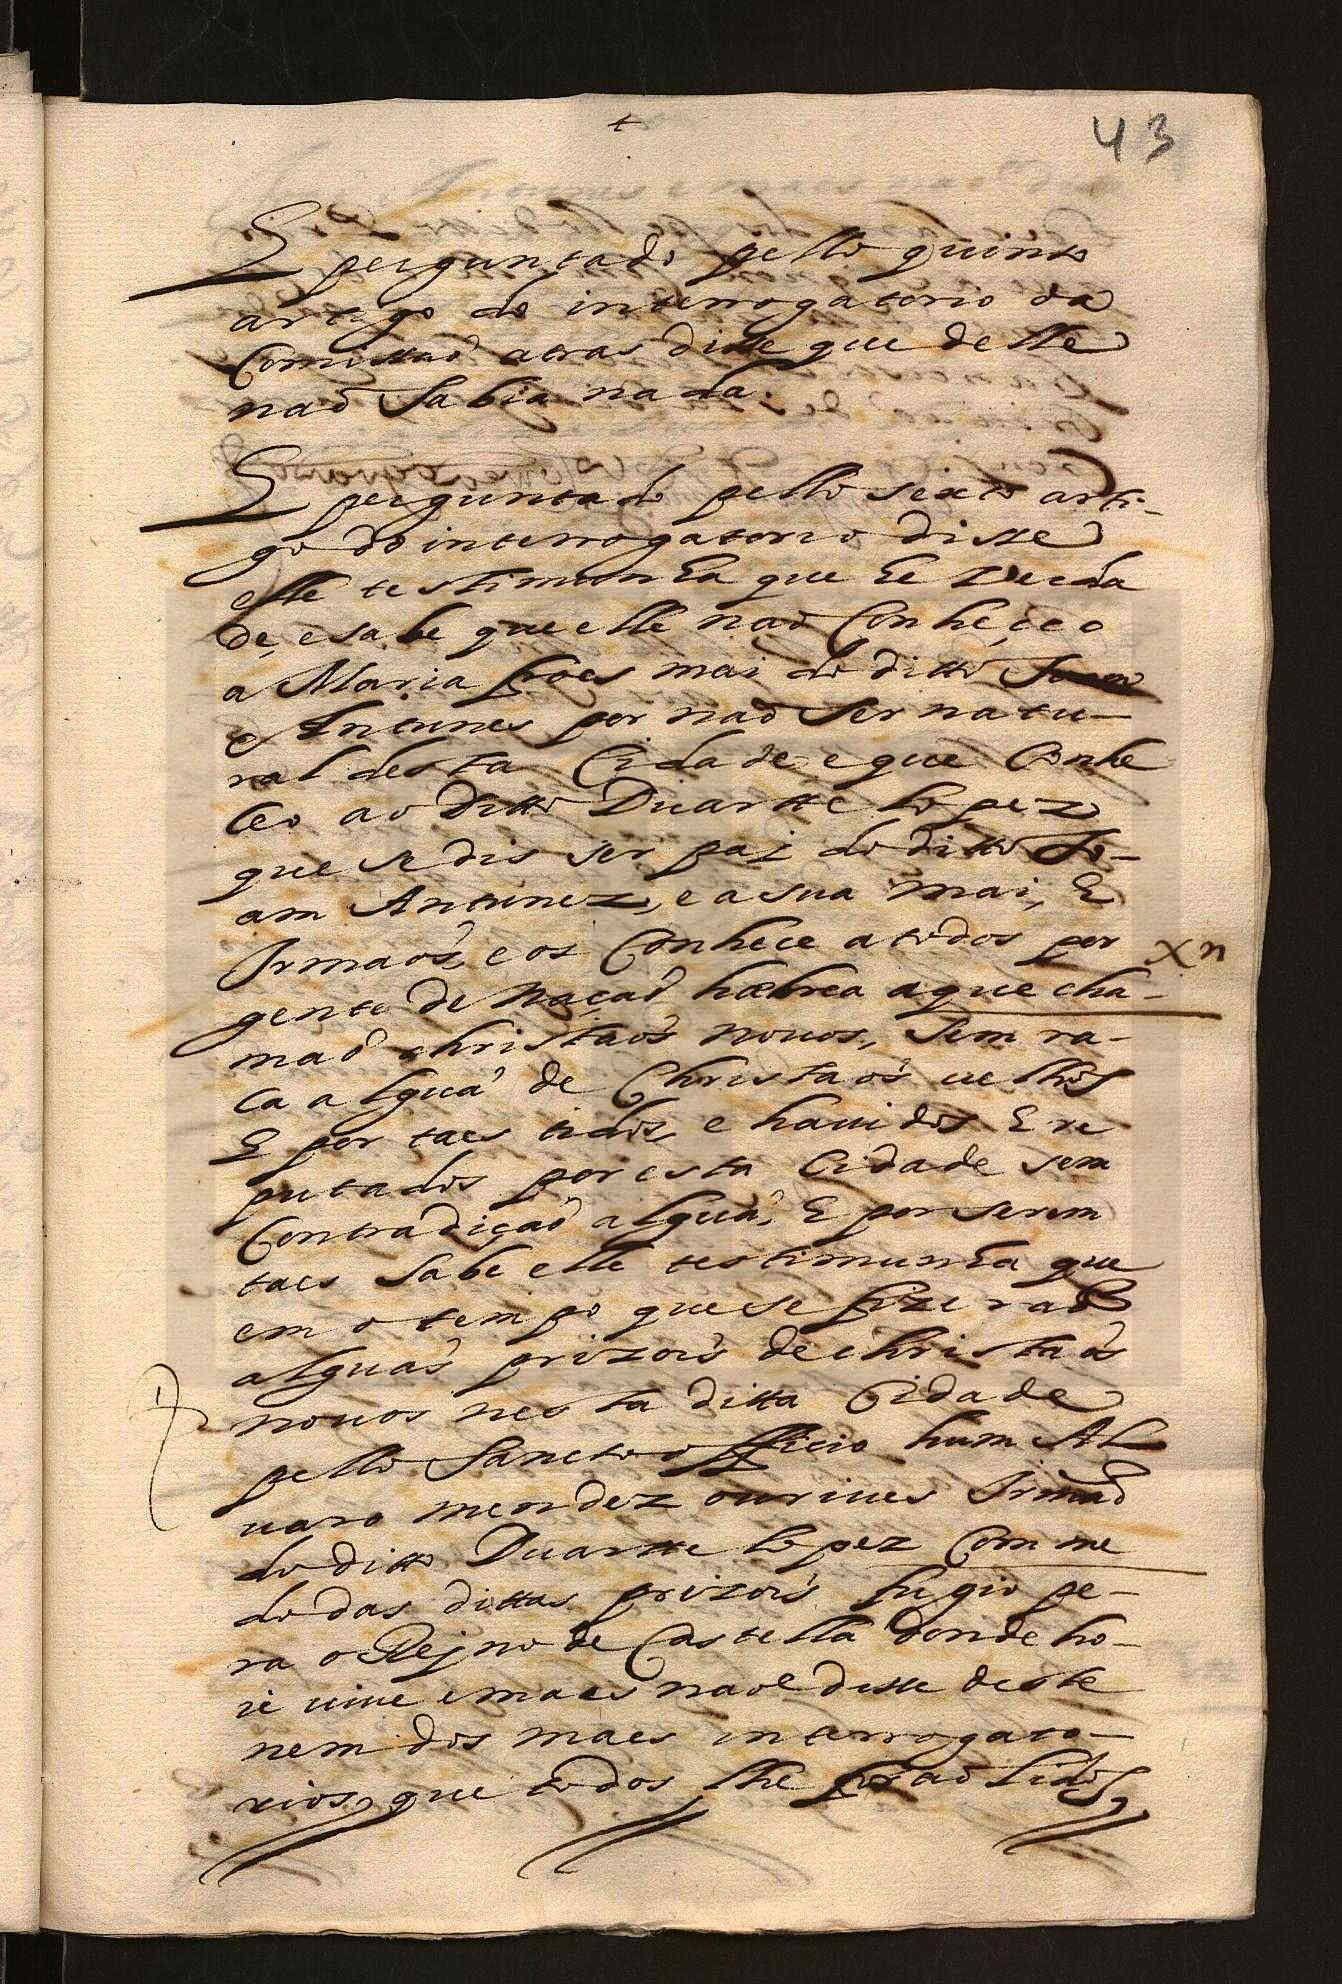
E perguntado pello quinto
artigo do interrogatorio da
Comissaõ atras disse que deste
não sabia nada.
E perguntado pello sexto arti
go do interrogatorio disse
elle testimunha que he verda
de, e sabe que elle naõ Conheceo
a Maria froes mai do ditto Ioam
Antunes por naõ Ser natu
ral desta Cidade e que conhe
ceo ao Ditto Duartte lopez
que se dis ser pai do ditto Io
am Antunez, e a sua mai, E
Jrmaõs, e os Conhece a todos por
xn
gente de naçaõ hæbrea a que cha
maõ christaõs nouos, sem ra
ça alguā de Christaõs uelhos
E por taes tidos, e hauidos E re
putados por esta cidade sem
Contradiçaõ alguā, E por serem
taes Sabe elle testimunha que
em o tempo que se fizeraõ
alguas̄ prizoĩs de christaõs
nouos nesta ditta Cidade
pello Sancto officio hum AL
uaro mendez ouriues Irmaõ
do ditto Duarte lopez Com me
do das dittas prizoĩs fugio pe
ra o Rejno de Castella donde ho
ie uiue e maes naõ disse deste
nem dos maes interrogato
rios que todos lhe foraõ Lidos
